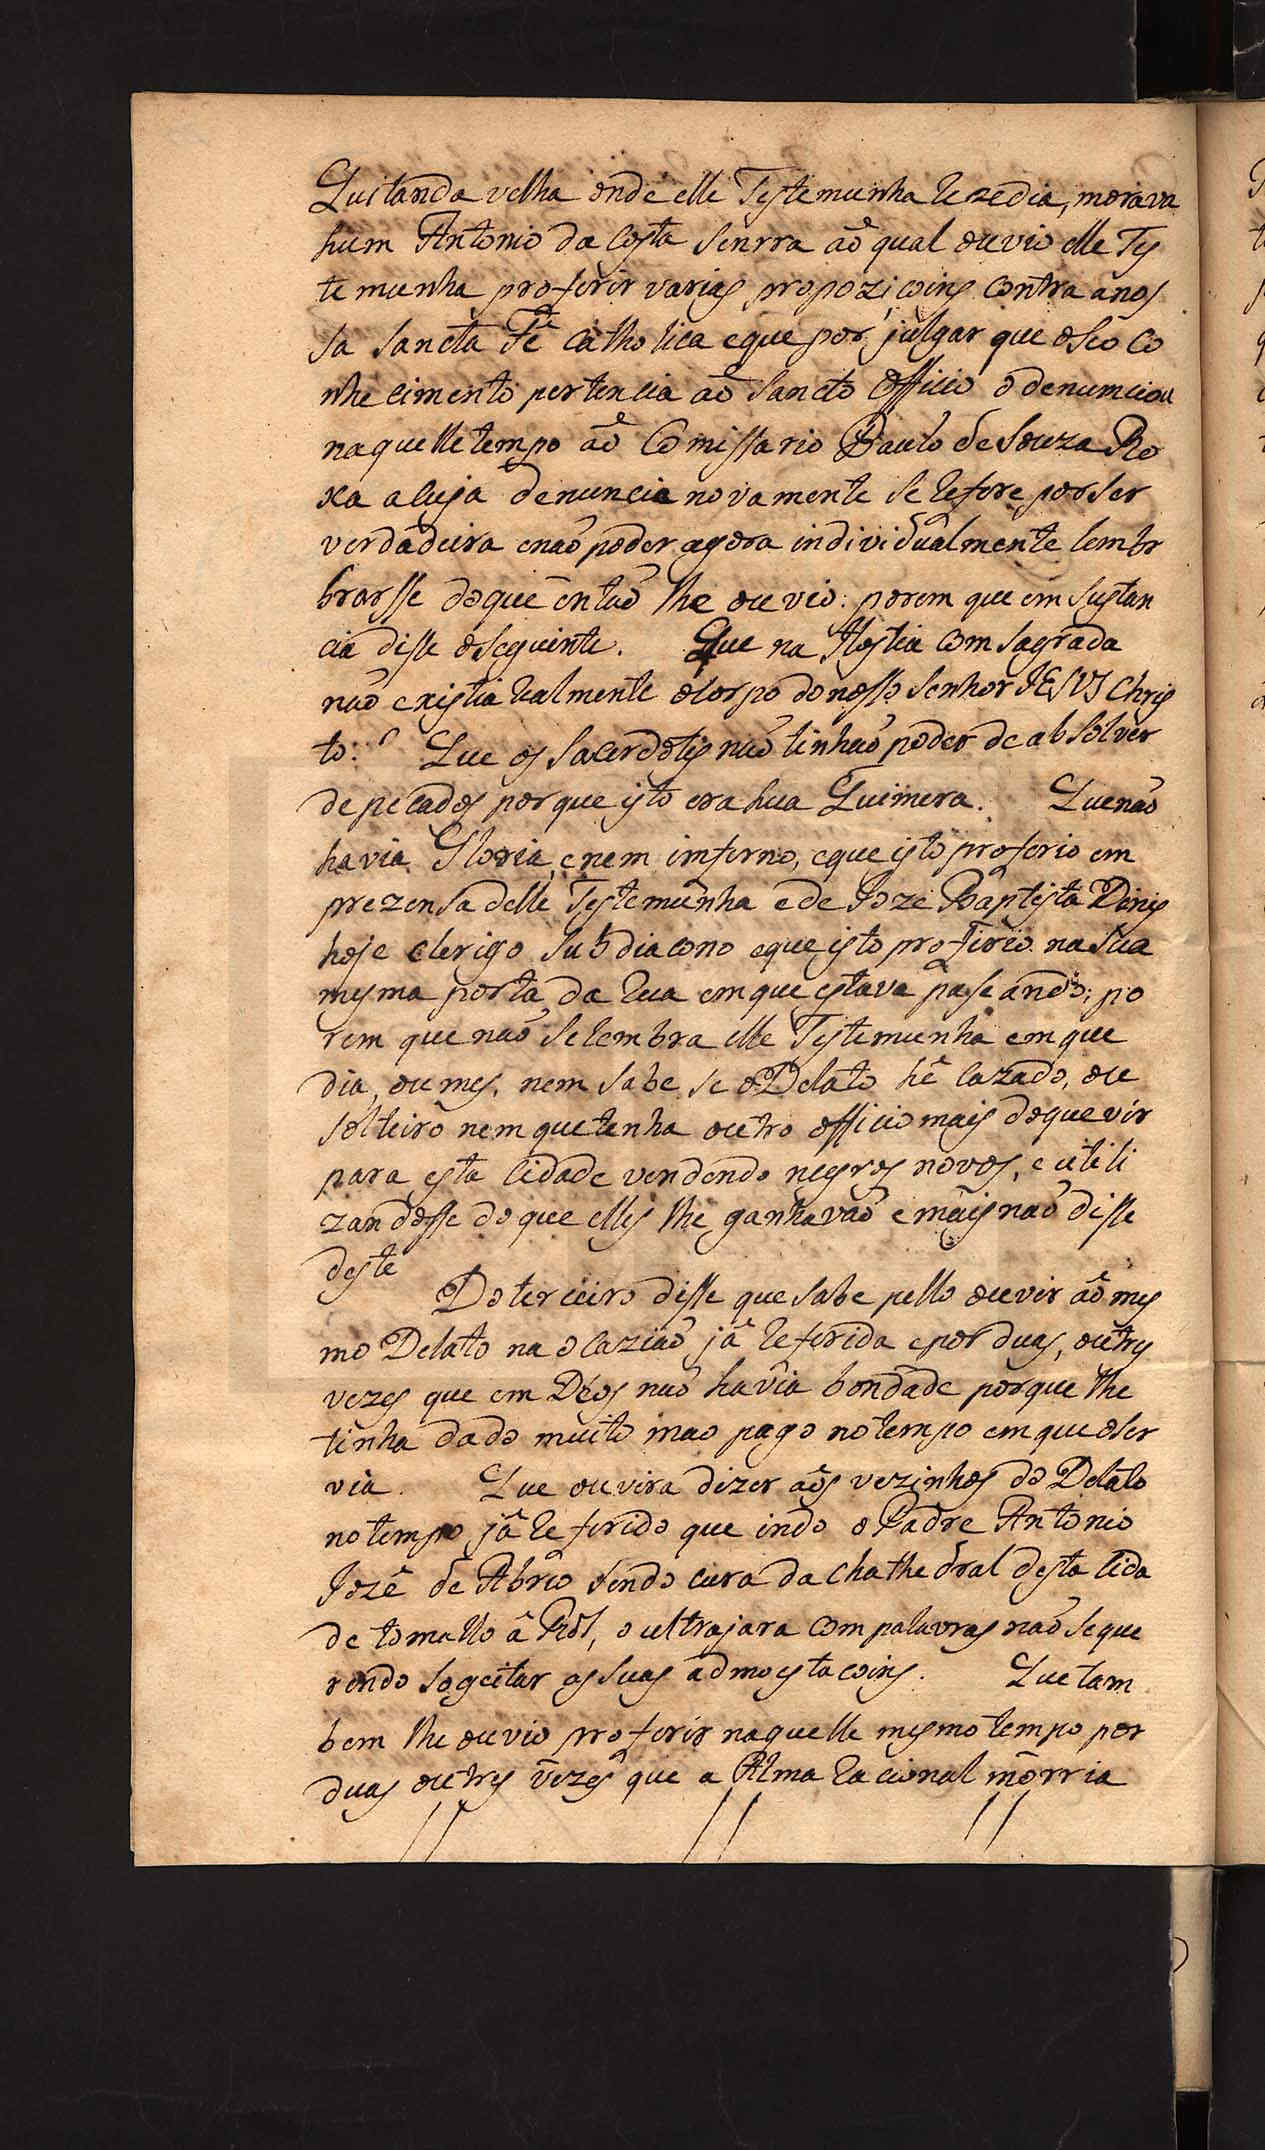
Quitanda velha onde elle Testemunha Rezedia, morava
hum Antonio da Costa Senrra ao qual ouvio elle Tes
temunha proferir varias propoziçoins contra a nos
sa sancta Fé catholica, e que por julgar que o seo co
nhecimento pertencia ao Sancto Officio o denunciou
naquelle tempo aó Comissario Paulo de Souza Ro
xa a cuja denuncia novamente se Refere por ser
verdadeira e naõ poder agora individualmente lembra
brarsse do que entaõ lhe ouvio: porem que em sustan
cia disse o seguinte. Que na Hostia com sagrada
naõ exista Realmente o corpo de nosso Senhor IESVS Chris
to: Que os Sacerdotes naõ tinhaõ poder de absolver
de pecados porque isto era hua Quimera. Que naõ
havia Gloria, e nem imferno, e que isto proferio em
prezensa delle testemunha e de Ioze Baptista Dinis
hoje clerigo sub diacono e que isto profirio na sua
mesma porta da Rua em que estava paseando; po
rem que naõ se lembra elle Testemunha em que
dia, ou mes, nem sabe se o Delato hé cazado, ou
solteiro nem que tenha outro officio mais do que vir
para esta cidade vendendo negros novos, e utili
zandosse do que elles lhe ganhavão e mais naõ disse
deste
Do terceiro disse que sabe pello ouvir ao mes
mo Delato na ocaziaõ já Referida e por duas, ou tres
vezes que em Deos naõ havia bondade porque lhe
tinha dado muito mao pago no tempo em que o ser
Que ouvira dizer aos vezinhos do Delato
via.
no tempo já Referido que indo o Padre Antonio
Iozé de Abreo sendo cura da chathedral desta Cida
de tomallo á Rol, o ultrajara com palavras naõ se que
rendo sogeitar as suas admoestaçoins.
Que tam
bem lhe ouvio proferir naquelle mesmo tempo por
duas ou tres vezes que a Alma Racional morria
